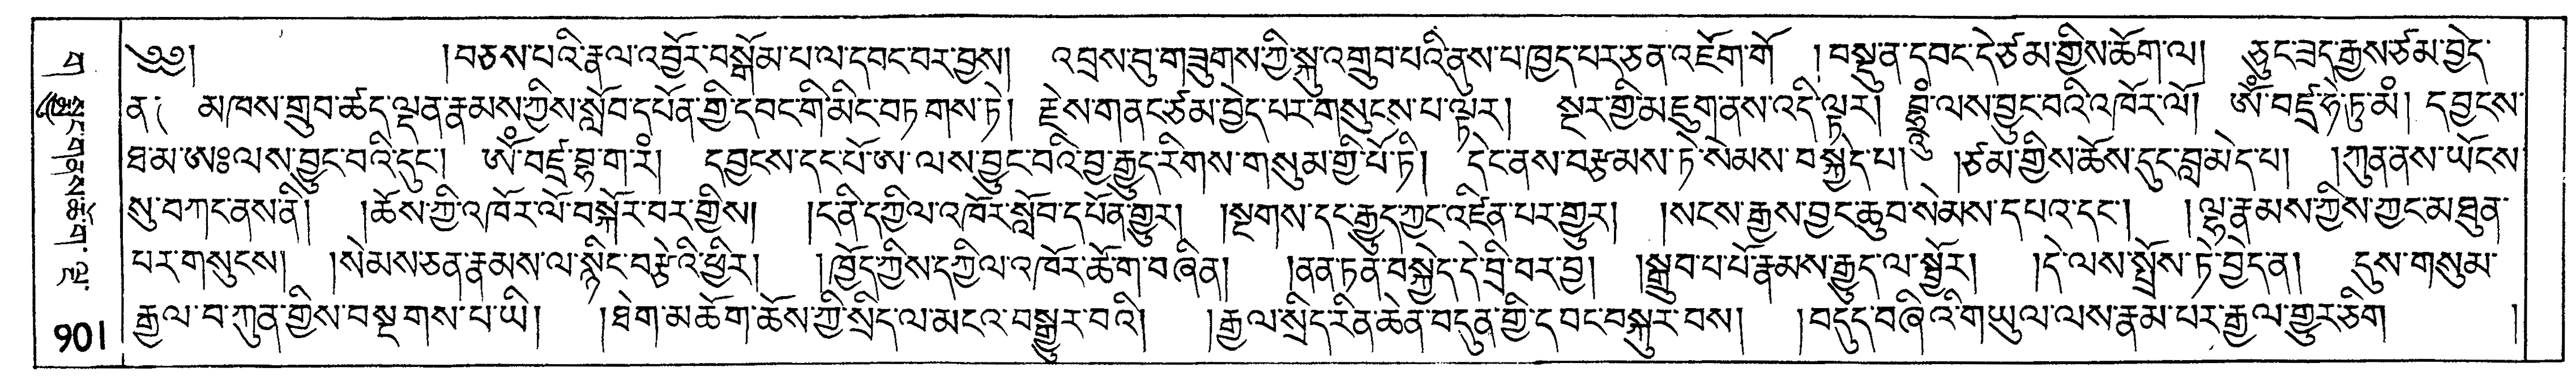༄༅། །བཅས་པའི་རྣལ་འབྱོར་བསྒོམ་པ་ལ་དབང་བར་བྱས། འབྲས་བུ་གཟུགས་ཀྱི་སྐུ་འགྲུབ་པའི་ནུས་པ་ཁྱད་པར་ཅན་འཇོག་གོ །བསྡུ་ན་དབང་དེ་ཙམ་གྱིས་ཆོག་ལ། ཅུང་ཟད་རྒྱས་ཙམ་བྱེད་
ན༑ མཁས་གྲུབ་ཚད་ལྡན་རྣམས་ཀྱིས་སློབ་དཔོན་གྱི་དབང་གི་མིང་བཏགས་ཏེ། རྗེས་གནང་ཙམ་བྱེད་པར་གསུངས་པ་ལྟར། སྔར་གྱི་མཇུག་ནས་འདི་ལྟར། བྷྲཱུཾ་ལས་བྱུང་བའི་འཁོར་ལོ། ཨོཾ་བཛྲ་ཧེ་ཏུ་མཾ། དབྱངས་
ཐ་མ་ཨཿ ལས་བྱུང་བའི་དུང་། ཨོཾ་བཛྲ་བྷ་ག་རཾ། དབྱངས་དང་པོ་ཨ་ལས་བྱུང་བའི་བྱ་རྒྱུད་རིགས་གསུམ་གྱི་པོ་ཏི། དེང་ནས་བརྩམས་ཏེ་སེམས་བསྐྱེད་པ། །ཙམ་གྱིས་ཆོས་དུང་བླ་མེད་པ། །ཀུན་ནས་ཡོངས་
སུ་བཀང་ནས་ནི། །ཆོས་ཀྱི་འཁོར་ལོ་བསྐོར་བར་གྱིས། །ད་ནི་དཀྱིལ་འཁོར་སློབ་དཔོན་གྱུར། །སྔགས་དང་རྒྱུད་ཀྱང་འཛིན་པར་གྱུར། །སངས་རྒྱས་བྱང་ཆུབ་སེམས་དཔའ་དང་། །ལྷ་རྣམས་ཀྱིས་ཀྱང་མཐུན་
པར་གསུངས། །སེམས་ཅན་རྣམས་ལ་སྙིང་བརྩེའི་ཕྱིར། །ཁྱོད་ཀྱིས་དཀྱིལ་འཁོར་ཆོ་ག་བཞིན། །ནན་ཏན་བསྐྱེད་དེ་བྲི་བར་བྱ། །སྒྲུབ་པ་པོ་རྣམས་རྒྱུད་ལ་སྦྱོར། །དེ་ལས་སྤྲོས་ཏེ་བྱེད་ན། དུས་གསུམ་
རྒྱལ་བ་ཀུན་གྱིས་བསྔགས་པ་ཡི། །ཐེག་མཆོག་ཆོས་ཀྱི་སྲིད་ལ་མངའ་བསྒྱུར་བའི། །རྒྱལ་སྲིད་རིན་ཆེན་བདུན་གྱི་དབང་བསྐུར་བས། །བདུད་བཞིའི་གཡུལ་ལས་རྣམ་པར་རྒྱལ་གྱུར་ཅིག །